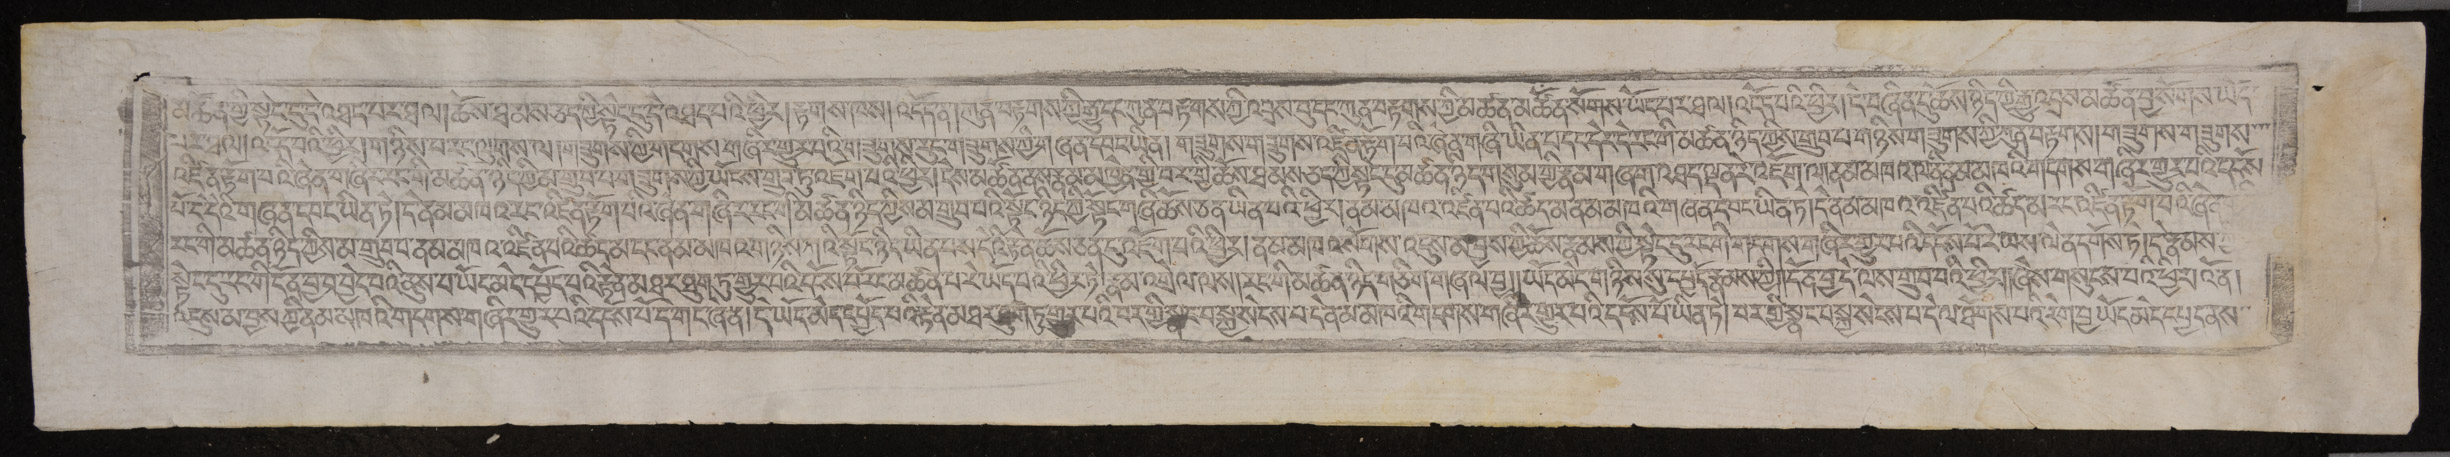མཚོན་གྱི་སྟེང་དུ་དེ་འཐད་པར་ཐལ། ཆོས་ཐམས་ཅད་ཀྱི་སྟེང་དུ་དེ་འཐད་པའི་ཕྱིར། རྟགས་ཁས། འདོད་ན། ཀུན་བརྟགས་ཀྱི་རྒྱུ་དང་ཀུན་བརྟགས་ཀྱི་འབྲས་བུ་དང་ཀུན་བརྟགས་ཀྱི་མཚན་མཚོན་སོགས་ཡོད་པར་ཐལ། འདོད་པའི་ཕྱིར། དེ་བཞིན་དུ་ཆོས་ཉིད་ཀྱི་རྒྱུ་འབྲས་མཚོན་བྱ་སོགས་ཡོད་
པར་ཐལ། འདོད་པའི་ཕྱིར། གཉིས་པ་རང་ལུགས་ལ། གཟུགས་ཀྱི་གདགས་གཞིར་གྱུར་པའི་གཟུགས་རུང་གཟུགས་ཀྱི་གཞན་དབང་ཡིན། གཟུགས་གཟུགས་འཛིན་རྟོག་པའི་ཞེན་གཞི་ཡིན་པ་དང་དེར་དེ་རང་གི་མཚན་ཉིད་ཀྱིས་གྲུབ་པ་གཉིས་གཟུགས་ཀྱི་ཀུན་བརྟགས། གཟུགས་གཟུགས་
འཛིན་རྟོག་པའི་ཞེན་གཞིར་རང་གི་མཚན་ཉིད་ཀྱི་མ་གྲུབ་པ་གཟུགས་ཀྱི་ཡོངས་གྲུབ་ཏུ་འཇོག་པའི་ཕྱིར། དེས་མཚོན་ནས་རྣམ་མཁྱེན་གྱི་བར་གྱི་ཆོས་ཐམས་ཅད་ཀྱི་སྟེང་དུ་མཚན་ཉིད་གསུམ་གྱི་རྣམ་གཞག་འཐད་ལྡན་རེ་འཇོག་ལ། ནམ་མཁའ་ལ་ནི་ནམ་མཁའི་གདགས་གཞིར་གྱུར་པའི་དངོས་
པོ་དེ་དེའི་གཞན་དབང་ཡིན་ཏེ། དེ་ནམ་མཁའ་རང་འཛིན་རྟོག་པའི་ཞེན་གཞིར་རང་གི་མཚན་ཉིད་ཀྱིས་མ་གྲུབ་པའི་སྟོང་ཉིད་ཀྱི་སྟོང་གཞི་ཆོས་ཅན་ཡིན་པའི་ཕྱིར། ནམ་མཁའ་འཛིན་པའི་ཚད་མ་ནམ་མཁའི་གཞན་དབང་ཡིན་ཏེ། དེ་ནམ་མཁའ་འཛིན་པའི་ཚད་མ་རང་འཛིན་རྟོག་པའི་ཞེན་གཞིར་
རང་གི་མཚན་ཉིད་ཀྱིས་མ་གྲུབ་པ་ནམ་མཁའ་འཛིན་པའི་ཚད་མ་དང་ནམ་མཁའ་གཉིས་ཀའི་སྟོང་ཉིད་ཡིན་པས་དེའི་རྟེན་ཆོས་ཅན་དུ་འཇོག་པའི་ཕྱིར། ནམ་མཁའ་སོགས་འདུས་མ་བྱས་ཀྱི་ཆོས་རྣམས་ཀྱི་སྟེང་དུ་རང་གི་གདགས་གཞིར་གྱུར་པའི་དངོས་པོ་རེ་ཁས་ལེན་དགོས་ཏེ། དེ་རྣམས་ཀྱི་
སྟེང་དུ་རང་གི་དོན་བྱ་བ་བྱེད་པའི་ནུས་པ་ཡོད་མེད་དཔྱོད་པའི་རྟེན་མཐར་ཐུག་ཏུ་གྱུར་པའི་དངོས་པོ་རང་མཚན་པ་རེ་ཡོད་པའི་ཕྱིར་ཏེ། རྣམ་འགྲེལ་ལས། རང་གི་མཚན་ཉིད་གཅིག་གཞལ་བྱ། །ཡོད་མེད་གཉིས་སུ་དཔྱོད་རྣམས་ཀྱི། །དོན་བྱ་དེ་ལས་གྲུབ་པའི་ཕྱིར། །ཞེས་གསུངས་པའི་ཕྱིར། འོ་ན།
འདུས་མ་བྱས་ཀྱི་ནམ་མཁའི་གདགས་གཞིར་གྱུར་པའི་དངོས་པོ་དེ་གང་ཞེ་ན། དེ་ཡོད་མེད་དཔྱོད་པའི་རྟེན་མཐར་ཐུག་ཏུ་གྱུར་པའི་བར་གྱི་སྣང་བ་སྐྱ་སེངས་པ་དེ་ནམ་མཁའི་གདགས་གཞིར་གྱུར་པའི་དངོས་པོ་ཡིན་ཏེ། བར་གྱི་སྣང་བ་སྐྱ་སེངས་པ་དེ་ལ་ཐོགས་པའི་རེག་བྱ་ཡོད་མེད་དཔྱད་ནས་